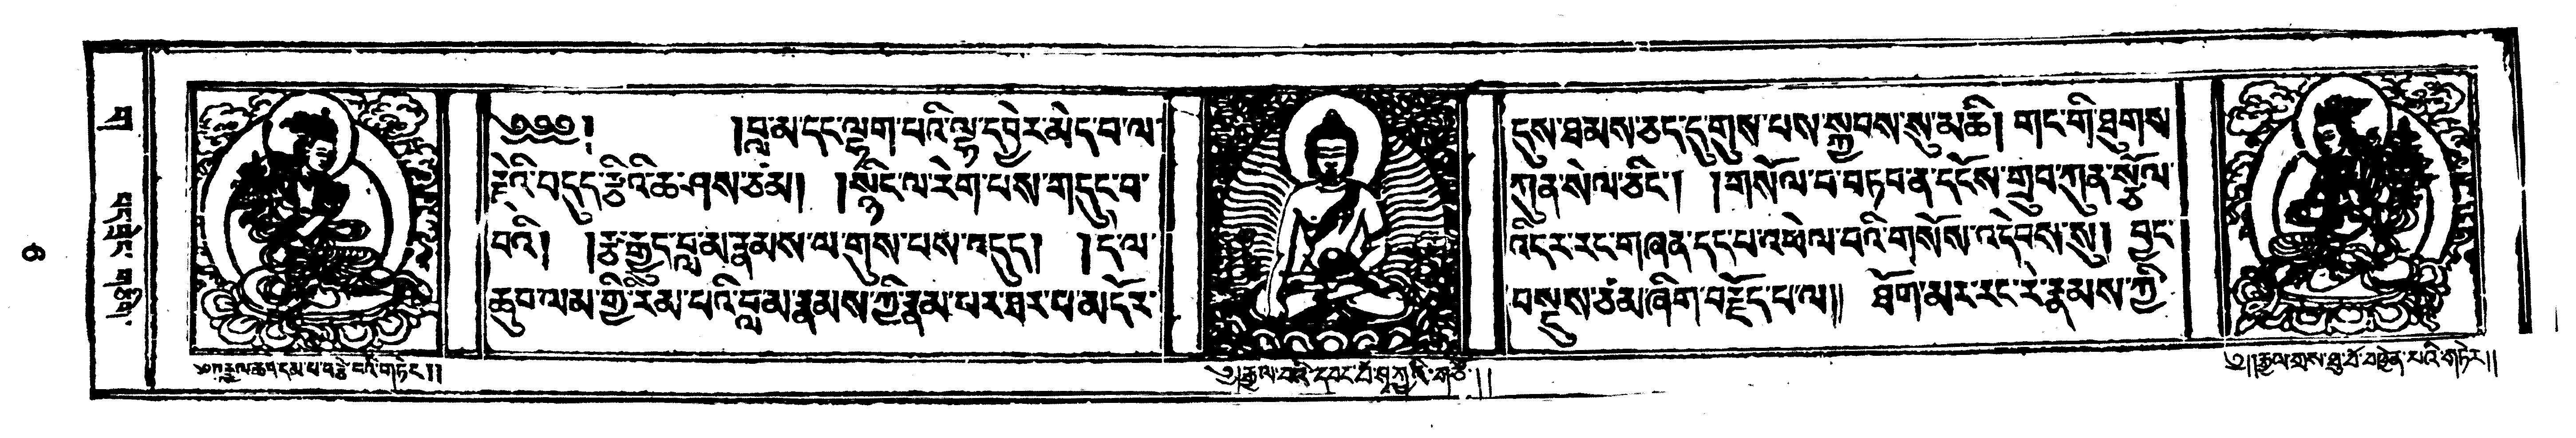༄༅༅། །བླ་མ་དང་ལྷག་པའི་ལྷ་དབྱེར་མེད་པ་ལ་དུས་ཐམས་ཅད་དུ་གུས་པས་སྐྱབས་སུ་མཆི། །གང་གི་ཐུགས་
རྗེའི་བདུད་རྩིའི་ཆ་ཤས་ཙམ། །སྙིང་ལ་རེག་པས་གདུང་བ་ཀུན་སེལ་ཅིང་། །གསོལ་བ་བཏབ་ན་དངོས་གྲུབ་ཀུན་སྩོལ་
བའི། །རྩ་རྒྱུད་བླ་མ་རྣམས་ལ་གུས་པས་འདུད། །དེ་ལ་འདིར་རང་གཞན་དད་པ་འཕེལ་བའི་གསོས་འདེབས་སུ། བྱང་
ཆུབ་ལམ་གྱི་རིམ་པའི་བླ་མ་རྣམས་ཀྱི་རྣམ་པར་ཐར་པ་མདོར་བསྡུ་ཙམ་ཞིག་བརྗོད་པ་ལ། །ཐོག་མར་རང་རེ་རྣམས་ཀྱི་